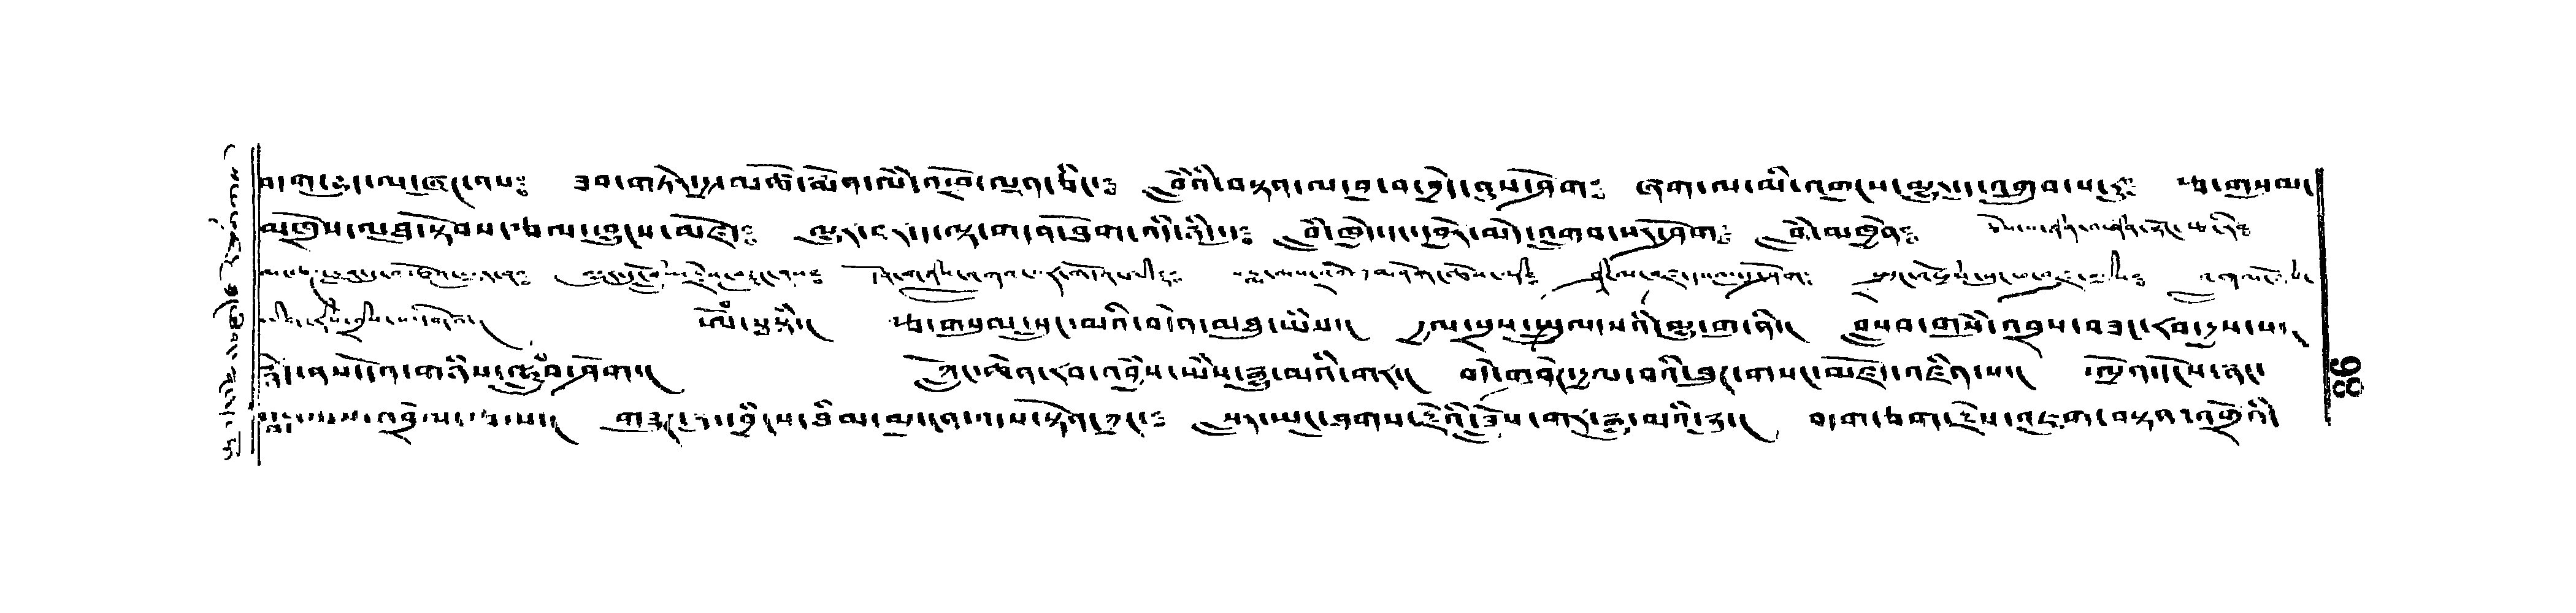བདག་རྒྱུད་ལ་ཞུགས་ནས༔ ཟབ་གཏེར་རྒྱ་མཚོ་སྨོན་ལམ་འཕྲོ་ལྡན་ཅིང༔ བླ་མའི་བསྟན་ལ་བྱ་བ་བྱེད་ནུས་ཤོག༔ ཞག་ལ་མི་འགྱངས་མྱུར་དུ་འགྲུབ་པ་རུ༔ རྩ་གསུམ་
མཁའ་འགྲོས་མཐུ་སྟོབས་རྩལ་ཕྱུངས་མཛོད༔ མྱུར་བར་ད་ལྟ་གདན་ཐོག་འདི་ཉིད་དུ༔ བླ་མ་ཁྱེད་དང་འབྱེར་མེད་འགྲུབ་པར་ཤོག༔ བླ་མ་མཁྱེན༔ ཅེས་པ་ཉིན་བཞིན་སྟོང་རྩ་རེ༔ 
མ་ཆག་རྒྱུན་དུ་བརྩོན་གྱུར་ན༔ མྱུར་དུ་བླ་མ་རྗེས་བཟུང་ནས༔ དོན་གཉིས་འགྲུབ་པར་གདོན་མི་ཟ༔ པདྨ་ལས་འབྲེལ་མནོག་ཆོས་འདི༔ ཤཱི་ལ་བཛྲ་དཔལ་དུ་ཤོག༔ སྤྲང་འཁྱམས་སུ་ཁ་བཛྲ་གྱིས༔ འཁྲུལ་ཉམས་
ཡིག་རིས་བྲིས་པ་དགེ༔ ཨོཾ་སྭ་སྟི། རྩ་གསུམ་སྲུང་མའི་བདེན་མཐུ་ཡིས། །རྒྱལ་སྲས་སྤྲུལ་པའི་མྱུ་གུ་ནི། །བསླབ་གསུམ་འབྲས་བཟང་རབ་རྒྱས་པ། །
རྙེད་ནས་དོན་གཉིས་ལྷུན་གྲུབ་ཤོག །ཀློང་ཆེན་རབ་འབྱམས་ཡེ་ཤེས་སྒྱུ་མའི་གར། །བདེ་གཤེགས་རྒྱལ་བའི་ཐུགས་གསང་མཛོད་འཛིན་པ། །ཨོ་རྒྱན་དངོས་སྣང་
པདྨ་ལས་འབྲེལ་རྩལ། །གཟུགས་སྐུ་དབྱིངས་ཐིམ་མྱ་ངན་འདས་སྟོན་ཀྱང་། །སླར་ཡང་ཐུགས་རྗེའི་ཟློས་གར་སྒྱུར་མའི་སྐུ། །བདག་ཅག་རྗེས་འཇུག་བསྟན་འགྲོའི་